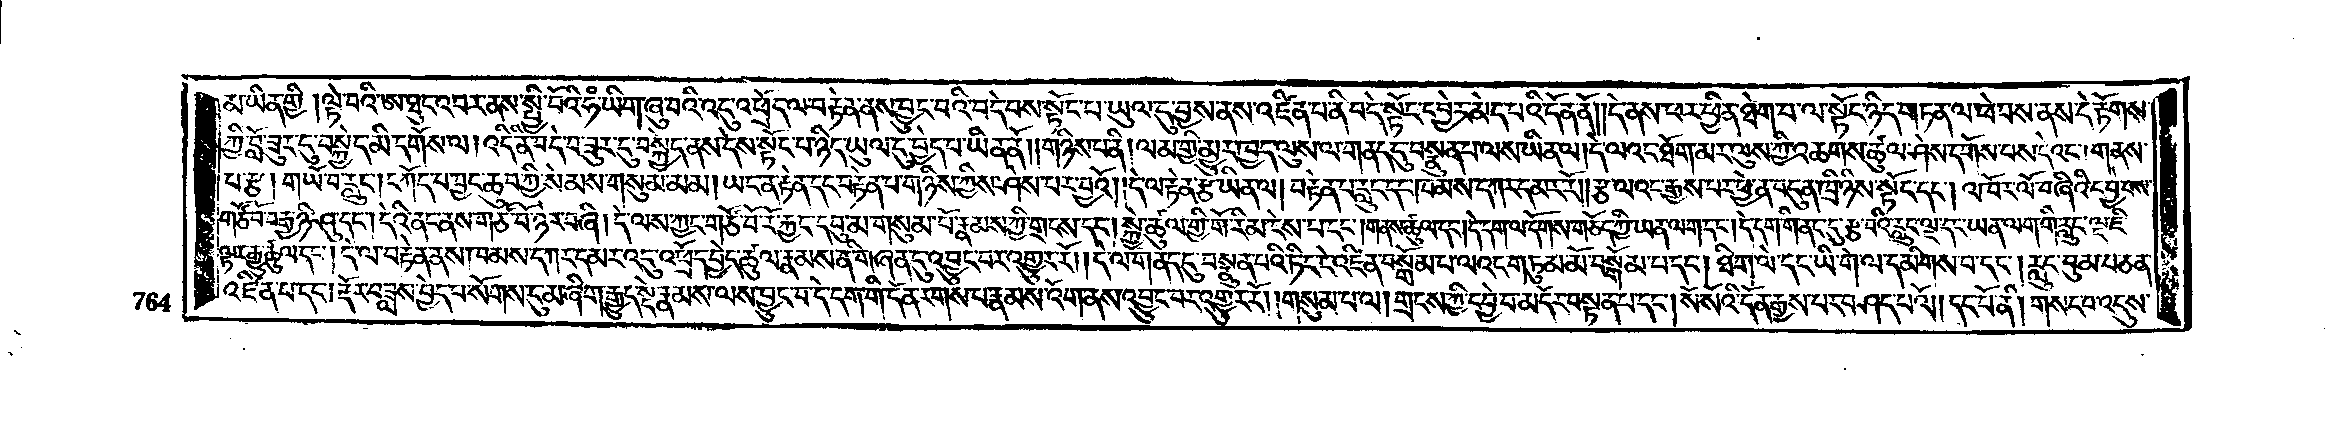མ་ཡིན་གྱི། ལྟེ་བའི་ཨ་ཐུང་འབར་ནས་སྤྱི་བོའི་ཧཾ་ཡིག་ཞུ་བའི་འདུ་འཕྲོད་ལ་བརྟེན་ནས་བྱུང་བའི་བདེ་བས་སྟོང་པ་ཡུལ་དུ་བྱས་ནས་འཛིན་པ་ནི་བདེ་སྟོང་དབྱེར་མེད་པའི་དོན་ནོ། །དེ་ནས་ཕར་ཕྱིན་ཐེག་པ་ལ་སྟོང་ཉིད་གཏན་ལ་ཕེབས་ནས་དེ་རྟོགས་
ཀྱི་བློ་ཟུར་དུ་བསྐྱེད་མི་དགོས་ལ། འདི་ནི་བདེ་བ་ཟུར་དུ་བསྐྱེད་ནས་དེས་སྟོང་པ་ཉིད་ཡུལ་དུ་བྱེད་པ་ཡིན་ནོ། །གཉིས་པ་ནི། ལམ་གྱི་མྱུར་ཁྱད་ལུས་ལ་གནད་དུ་བསྣུན་པ་ལས་ཡིན་ལ། དེ་ལའང་ཐོག་མར་ལུས་ཀྱི་འཆགས་ཚུལ་ཤེས་དགོས་པས་དེའང་། གནས་
པ་རྩ། གཡོ་བ་རླུང་། བཀོད་པ་བྱང་ཆུབ་ཀྱི་སེམས་གསུམ་མམ། ཡང་ན་རྟེན་དང་བརྟེན་པ་གཉིས་ཀྱིས་ཤེས་པར་བྱའོ། །དེ་ལ་རྟེན་རྩ་ཡིན་ལ། བརྟེན་པ་རླུང་དང་ཁམས་དཀར་དམར་རོ། །རྩ་ལའང་རྒྱས་པར་ཕྱེ་ན་བདུན་ཁྲི་ཉིས་སྟོང་དང་། འཁོར་ལོ་བཞིའི་དབྱེ་བས་
གཙོ་བོ་བརྒྱ་ཉི་ཤུ་དང་། དེའི་ནང་ནས་གཙོ་བོ་ཉེར་བཞི། དེ་ལས་ཀྱང་གཙོ་བོ་རོ་རྐྱང་དབུ་མ་གསུམ་པོ་རྣམས་ཀྱི་གྲངས་དང་། སྐྱེ་ཚུལ་གྱི་གོ་རིམ་ངེས་པ་དང་། གནས་ཚུལ་དང་། དེ་དག་ལ་དོགས་གཅོད་ཀྱི་ཡན་ལག་དང་། དེ་དག་གི་ནང་དུ་རྩ་བའི་རླུང་ལྔ་དང་ཡན་ལག་གི་རླུང་ལྔ་ཇི་
ལྟར་རྒྱུ་ཚུལ་དང་། དེ་ལ་བརྟེན་ནས་ཁམས་དཀར་དམར་འདུ་འཕྲོད་བྱེད་ཚུལ་རྣམས་ནི་གཞན་དུ་འབྱུང་བར་འགྱུར་རོ། །དེ་ལ་གནད་དུ་བསྣུན་པའི་ཏིང་ངེ་འཛིན་བསྒོམ་པ་ལའང་གཏུམ་མོ་བསྒོམ་པ་དང་། ཐིག་ལེ་དང་ཡི་གེ་ལ་དམིགས་པ་དང་། རླུང་བུམ་པ་ཅན་
འཛིན་པ་དང་། རྡོར་བཟླས་བྱེད་པ་སོགས་དུ་མ་ཞིག་རྒྱུད་སྡེ་རྣམས་ལས་བྱུང་བ་དེ་དག་གི་དོན་རགས་པ་རྣམས་འོག་ནས་འབྱུང་བར་འགྱུར་རོ། །གསུམ་པ་ལ། གྲངས་ཀྱི་དབྱེ་བ་མདོར་བསྟན་པ་དང་། སོ་སོའི་དོན་རྒྱས་པར་བཤད་པའོ། །དང་པོ་ནི། གསང་བ་འདུས་